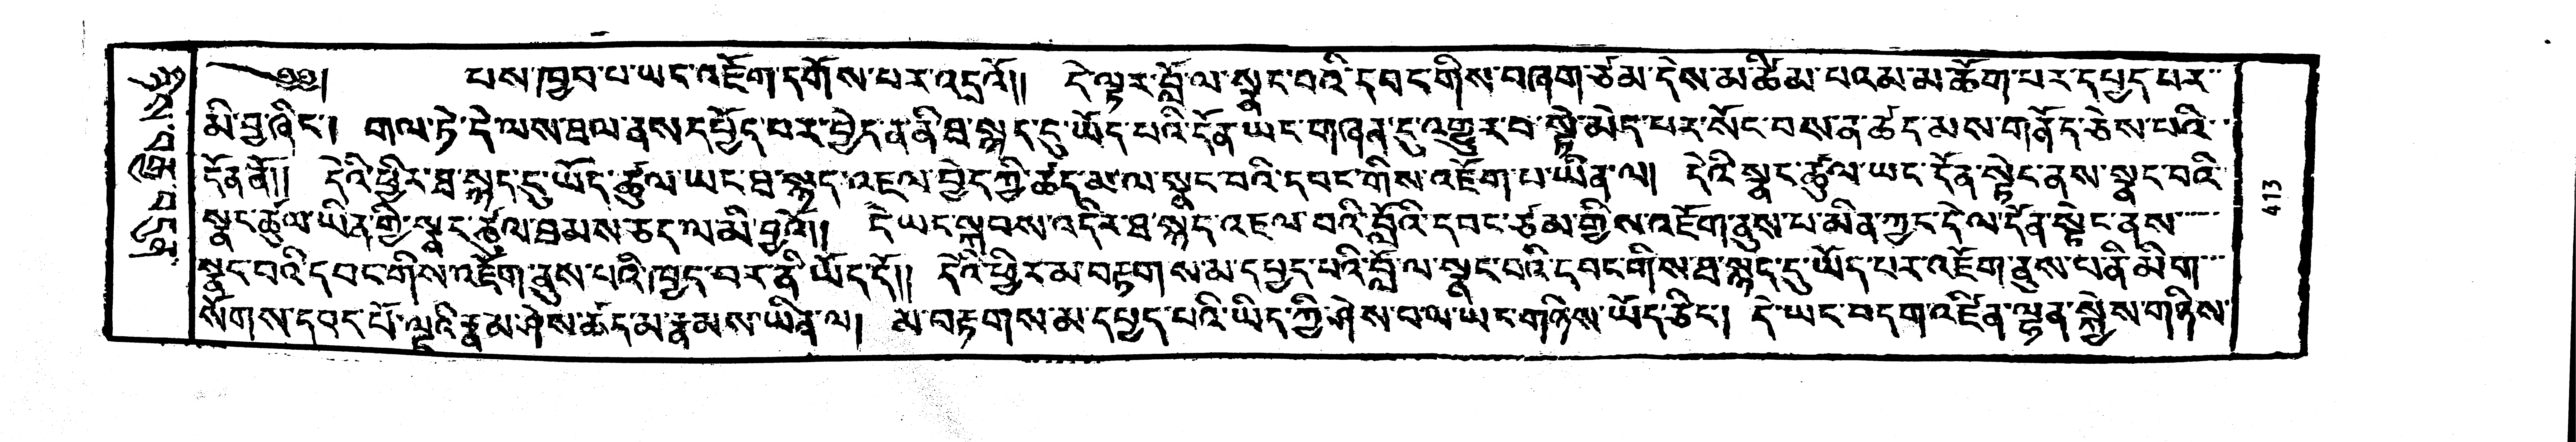༄༅། །པས་ཁྱབ་པ་ཡང་འཇོག་དགོས་པར་འདྲའོ། །དེ་ལྟར་བློ་ལ་སྣང་བའི་དབང་གིས་བཞག་ཙམ་དེས་མ་ཚིམ་པའམ་མ་ཆོག་པར་དཔྱད་པར་
མི་བྱ་ཞིང་། གལ་ཏེ་དེ་ལས་ཐལ་ནས་དཔྱོད་པར་བྱེད་ན་ནི་ཐ་སྙད་དུ་ཡོད་པའི་དོན་ཡང་གཞན་དུ་འགྱུར་བ་སྟེ་མེད་པར་སོང་བས་ན་ཚད་མས་གནོད་ཅེས་པའི་
དོན་ནོ། །དེའི་ཕྱིར་ཐ་སྙད་དུ་ཡོད་ཚུལ་ཡང་ཐ་སྙད་འཇལ་བྱེད་ཀྱི་ཚད་མ་ལ་སྣང་བའི་དབང་གིས་འཇོག་པ་ཡིན་ལ། དེའི་སྣང་ཚུལ་ཡང་དོན་སྟེང་ནས་སྣང་བའི་
སྣང་ཚུལ་ཡིན་གྱི་སྣང་ཚུལ་ཐམས་ཅད་ལ་མི་བྱའོ། །དེ་ཡང་སྐབས་འདིར་ཐ་སྙད་འཇལ་བའི་བློའི་དབང་ཙམ་གྱིས་འཇོག་ནུས་པ་མིན་ཀྱང་དེ་ལ་དོན་སྟེང་ནས་
སྣང་བའི་དབང་གིས་འཇོག་ནུས་པའི་ཁྱད་པར་ནི་ཡོད་དོ། །དེའི་ཕྱིར་མ་བརྟགས་མ་དཔྱད་པའི་བློ་ལ་སྣང་བའི་དབང་གིས་ཐ་སྙད་དུ་ཡོད་པར་འཇོག་ནུས་པ་ནི་མིག་
སོགས་དབང་པོ་ལྔའི་རྣམ་ཤེས་ཚད་མ་རྣམས་ཡིན་ལ། མ་བརྟགས་མ་དཔྱད་པའི་ཡིད་ཀྱི་ཤེས་པ་ལ་ཡང་གཉིས་ཡོད་ཅིང་། དེ་ཡང་བདག་འཛིན་ལྷན་སྐྱེས་གཉིས་